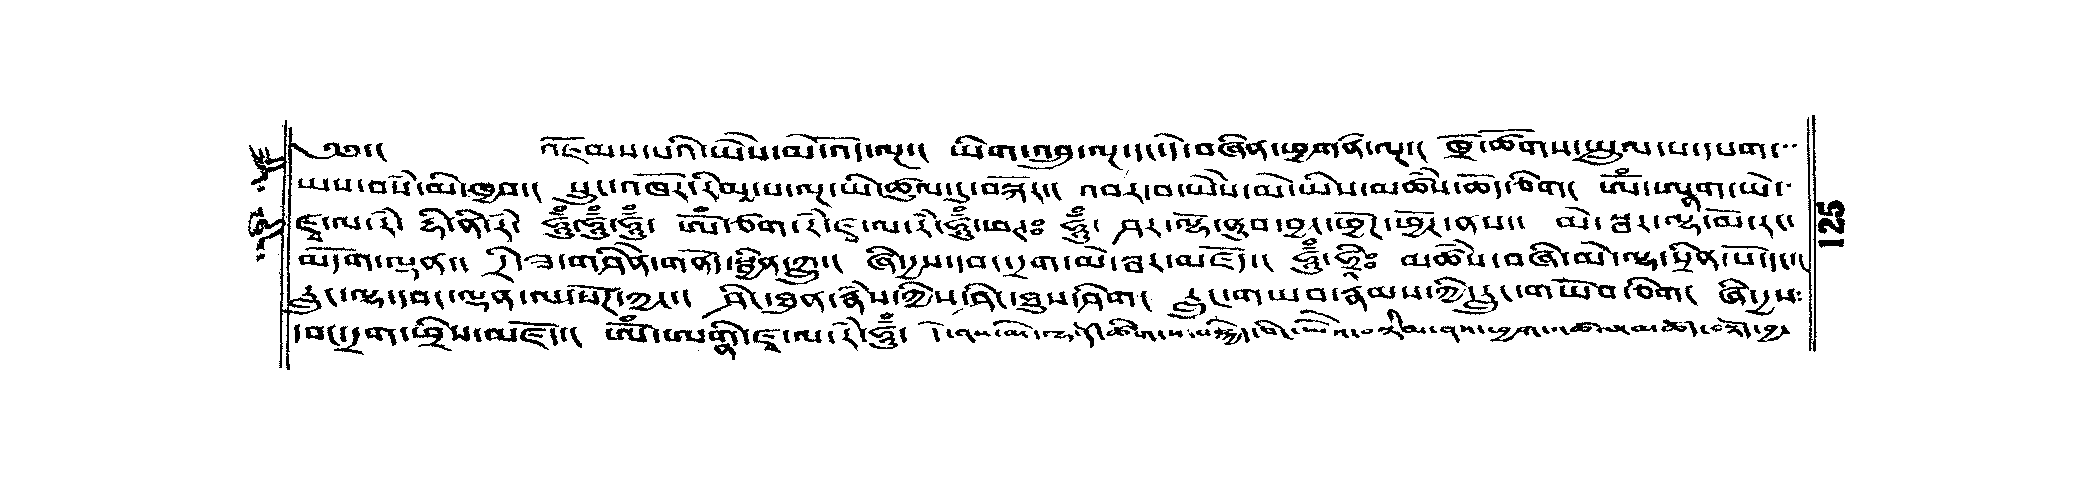འཇོམས་པའི་ཡེ་ཤེས་མེ་འོད་ལྔ་། །ཡིག་འབྲུ་ལྔ་དང་དེ་བཞིན་ཕྱག་མཚན་ལྔ་། །ཁྲོ་ཚོགས་སྤྲུལ་པ་དཔག་
ཡས་བསམ་མི་ཁྱབ། །སྲུང་འཁོར་རིམ་པ་ལྔ་ཡི་ཚུལ་དུ་བསྐོར། །འབར་བ་ཡེ་ཤེས་མེ་ཡིས་མཚམས་ཆོད་ཅིག་ཨོྃ་ཨན་ག་ཡེ་
ཛྭ་ལ་རཾ། དྷི་ནི་རཾ། ཧཱུྃ་ཧཱུྃ་ཧཱུྃ། ཨོཾ་ཙག་རཾ་ཛྭ་ལ་རཾ་ཧཱུྃ་ཕཊཿ ཧཱུྃ། ཤར་ལྷོ་ནུབ་བྱང་ཕྱོགས་ཕྱོགས་ནས། །མེ་སྦར་ལྷ་མོ་རང་
མདོག་ལྡན། །དྲི་ཟ་གཤིན་རྗེ་གནོད་སྦྱིན་ཀླུ། །ཞི་རྒྱས་དབང་དྲག་མེ་སྦར་མཛོད། །ཧཱུྃ་ཧྲཱིཿམཚམས་བཞི་མེ་ལྷ་སྲིན་པོ་དང་། །
རླུང་ལྷ་དབང་ལྡན་ལ་སོགས་ཀྱང་། །ཤིང་ཐུན་རྣམས་ཀྱིས་ཤིང་ཐུས་ཤིག་རླུང་གཡབ་རྣམས་ཀྱི་རླུང་གཡོབ་ཅིག་ཞི་རྒྱས་
དབང་དྲག་ཕྲིན་ལས་མཛོད། །ཨོྃ་ཨགྣི་ཛྭ་ལ་རཾ་ཧཱུྃ། དེ་ནས་མེ་ལྷ་དམ་ཚིག་པ་བསྐྱེད་ཅིང་ཡེ་ཤེས་པ་བསྟིམ་ནས་ཕྱག་འཚལ་མཆོད་བསྟོད་བྱ་